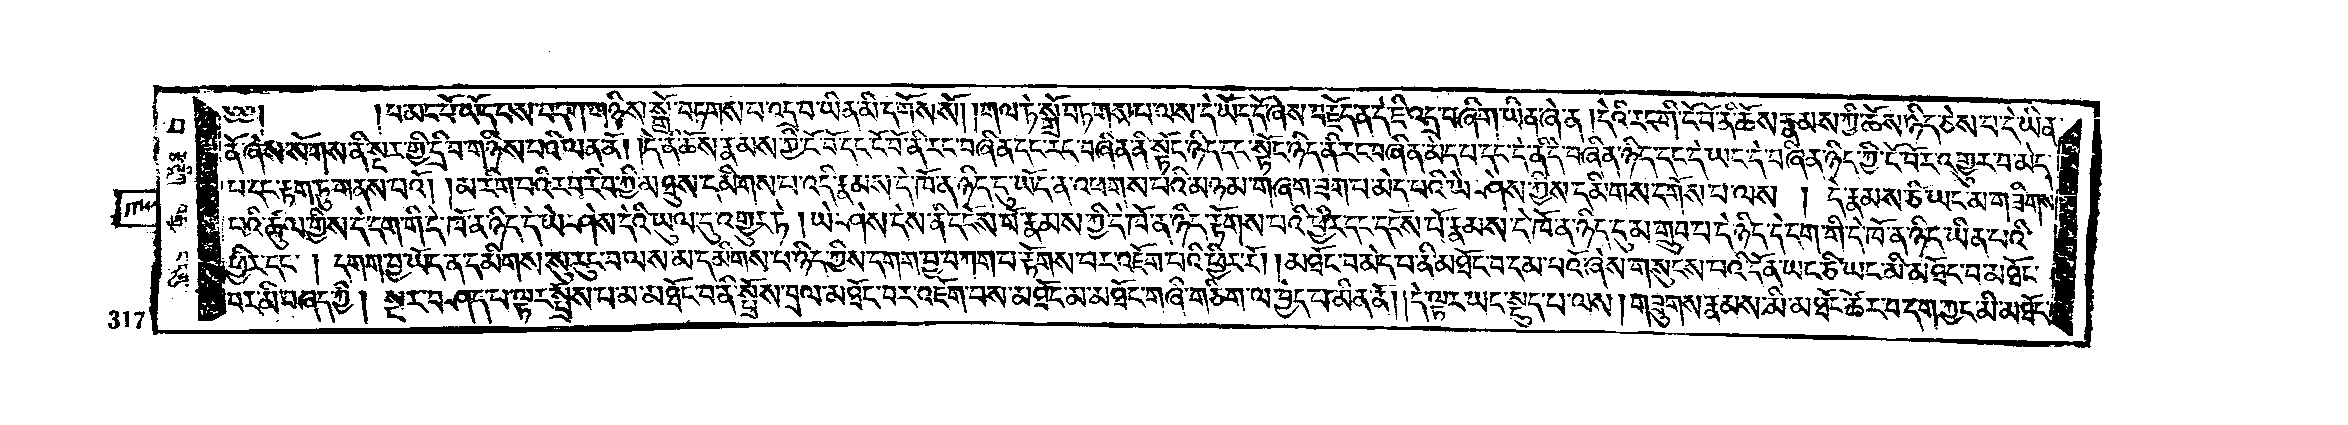༄༅། །པ་མང་པོ་ཡོད་པས་བདག་གཉིས་སྒྲོ་བཏགས་པ་འདྲ་བ་ཡིན་མི་དགོས་སོ། །གལ་ཏེ་སྒྲོ་བཏགས་པ་ལས་དེ་ཡོད་དོ་ཞེས་བརྗོད་ན་དེ་ཇི་འདྲ་བ་ཞིག་ཡིན་ཞེ་ན། དེའི་རང་གི་ངོ་བོ་ནི་ཆོས་རྣམས་ཀྱི་ཆོས་ཉིད་ཅེས་བ་དེ་ཡིན་
ནོ་ཞེས་སོགས་ནི་སྔར་གྱི་དྲི་བ་གཉིས་པའི་ལན་ནོ། །དེ་ནི་ཆོས་རྣམས་ཀྱི་ངོ་བོ་དང་ངོ་བོ་ནི་རང་བཞིན་དང་རང་བཞིན་ནི་སྟོང་ཉིད་དང་སྟོང་ཉིད་ནི་རང་བཞིན་མེད་པ་དང་དེ་ནི་དེ་བཞིན་ཉིད་དང་དེ་ཡང་དེ་བཞིན་ཉིད་ཀྱི་ངོ་བོར་འགྱུར་བ་མེད་
པ་དང་རྟག་ཏུ་གནས་པའོ། །མ་རིག་པའི་རབ་རིབ་ཀྱི་མཐུས་དམིགས་པ་འདི་རྣམས་དེ་ཁོ་ན་ཉིད་དུ་ཡོད་ན་འཕགས་པའི་མཉམ་གཞག་ཟག་པ་མེད་པའི་ཡེ་ཤེས་ཀྱིས་དམིགས་དགོས་པ་ལས། དེ་རྣམས་ཅི་ཡང་མ་གཟིགས་
པའི་ཚུལ་གྱིས་དེ་དག་གི་དེ་ཁོ་ན་ཉིད་དེ་ཡེ་ཤེས་དེའི་ཡུལ་དུ་འགྱུར་ཏེ། ཡེ་ཤེས་དེས་ནི་དངོས་པོ་རྣམས་ཀྱི་དེ་ཁོ་ན་ཉིད་རྟོགས་པའི་ཕྱིར་དང་དངོས་པོ་རྣམས་དེ་ཁོ་ན་ཉིད་དུ་མ་གྲུབ་པ་དེ་ཉིད་དེ་དག་གི་དེ་ཁོ་ན་ཉིད་ཡིན་པའི་
ཕྱིར་དང་། དགག་བྱ་ཡོད་ན་དམིགས་སུ་རུང་བ་ལས་མ་དམིགས་པ་ཉིད་ཀྱིས་དགག་བྱ་བཀག་པ་རྟོགས་པར་འཇོག་པའི་ཕྱིར་རོ། །མཐོང་བ་མེད་པ་ནི་མཐོང་བ་དམ་པའོ་ཞེས་གསུངས་པའི་དོན་ཡང་ཅི་ཡང་མི་མཐོང་བ་མཐོང་
བར་མི་བཞད་ཀྱི། སྔར་བཤད་པ་ལྟར་སྤྲོས་པ་མ་མཐོང་བ་ནི་སྤྲོས་བྲལ་མཐོང་བར་འཇོག་པས་མཐོང་མ་མཐོང་གཞི་གཅིག་ལ་བྱེད་པ་མིན་ནོ། །དེ་ལྟར་ཡང་སྡུད་པ་ལས། གཟུགས་རྣམས་མི་མཐོང་ཚོར་བ་དག་ཀྱང་མི་མཐོང་